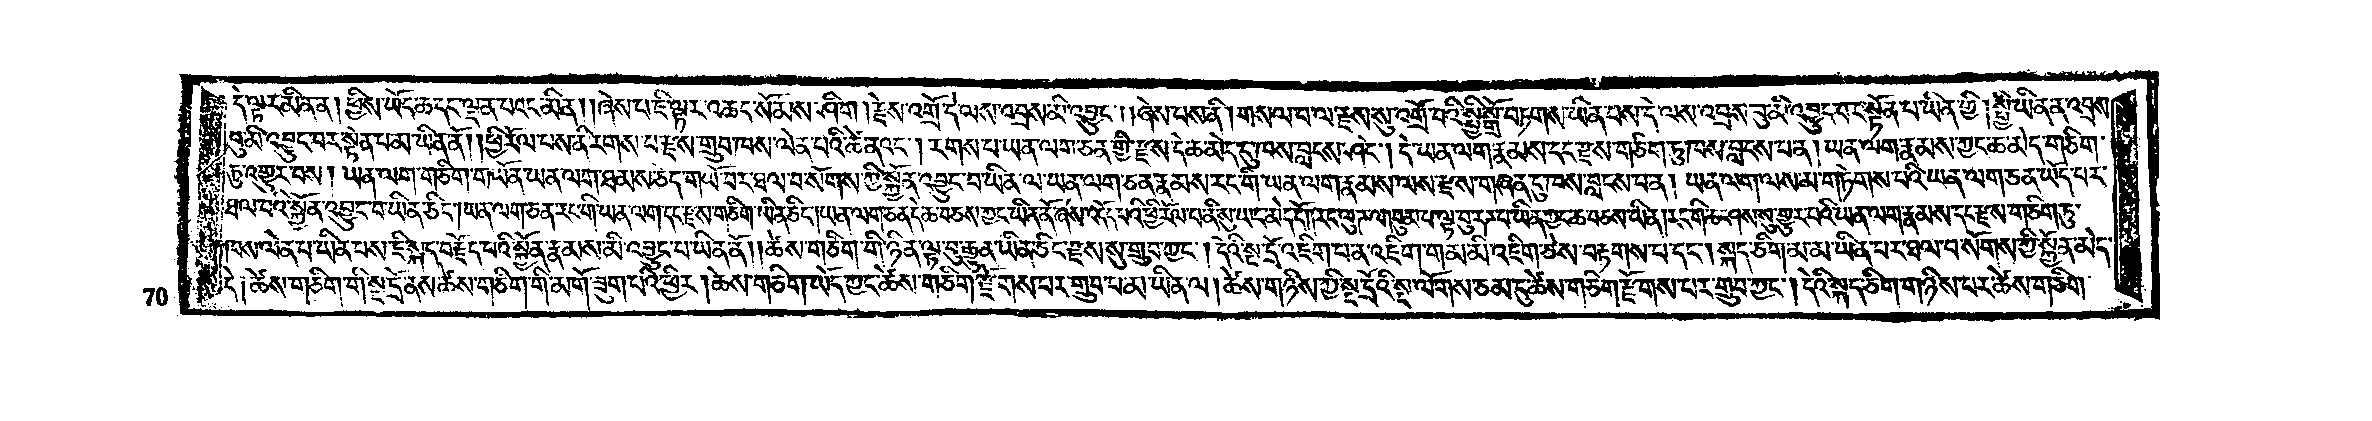དེ་ལྟར་མིན་ན། ཕྱིས་ཡོད་ཆ་དང་ལྡན་པའང་མིན། །ཞེས་པ་ཇི་ལྟར་འཆད་སོམས་ཤིག །རྗེས་འགྲོ་དེ་ལས་འབྲས་མི་འབྱུང་། །ཞེས་པས་ནི། གསལ་བ་ལ་རྗེས་སུ་འགྲོ་བའི་སྤྱི་སྒྲོ་བཏགས་ཡིན་པས་དེ་ལས་འབྲས་བུ་མི་འབྱུང་བར་སྟོན་པ་ཡིན་གྱི། སྤྱི་ཡིན་ན་འབྲས་
བུ་མི་འབྱུང་བར་སྟེན་པ་མ་ཡིན་ནོ། །ཕྱི་རོལ་པས་ནི་རགས་པ་རྫས་གྲུབ་ཁས་ལེན་པའི་ཚེ་ནའང་། རགས་པ་ཡན་ལག་ཅན་གྱི་རྫས་དེ་ཆ་མེད་དུ་ཁས་བླངས་ཤིང་། དེ་ཡན་ལག་རྣམས་དང་རྫས་གཅིག་ཏུ་ཁས་བླངས་པ་ན། ཡན་ལག་རྣམས་ཀྱང་ཆ་མེད་གཅིག་
ཏུ་འགྱུར་བས། ཡན་ལག་གཅིག་གཡོ་ན་ཡན་ལག་ཐམས་ཅད་གཡོ་བར་ཐལ་བ་སོགས་ཀྱི་སྐྱོན་འབྱུང་བ་ཡིན་ལ་ཡན་ལག་ཅན་རྣམས་རང་གི་ཡན་ལག་རྣམས་ལས་རྫས་གཞན་དུ་ཁས་བླངས་པ་ན། ཡན་ལག་ལས་མ་གཏོགས་པའི་ཡན་ལག་ཅན་ཡོད་པར་
ཐལ་བའི་སྐྱོན་འབྱུང་བ་ཡིན་ཅིང་།ཡན་ལག་ཅན་རང་གི་ཡན་ལག་དང་རྫས་གཅིག་ཡིན་ཅིང་།ཡན་ལག་ཅན་དེ་ཆ་བཅས་ཀྱང་ཡིན་ནོ་ཞེས་འདོད་པའི་ཕྱི་རོལ་པ་ནི་སུ་ཡང་མེད་དོ། །རང་ལུཌ་ལ། བུམ་པ་ལྟ་བུ་རཌ་པ་ཡིན་ཀྱང་ཆ་བཅས་ཡིན། རང་གི་ཆ་ཤས་སུ་གྱུར་པའི་ཡན་ལག་རྣམས་དང་རྫས་གཅིག་ཏུ་
ཁས་ལེན་པ་ཡིན་པས་ཇི་སྐད་བརྗོད་པའི་སྐྱོན་རྣམས་མི་འབྱུང་བ་ཡིན་ནོ། །ཚེས་གཅིག་གི་གཉིན་ལྟ་བུ་རྒྱུན་ཡིན་ཅིང་རྫས་སུ་གྲུབ་ཀྱང་། དེའི་སྔ་དྲོ་འཇིག་པ་ན་འཇིག་གམ་མི་འཇིག་ཅེས་བརྟགས་པ་དང་།སྐད་ཅིག་མ་མ་ཡིན་པར་ཐལ་བ་སོགས་ཀྱི་སྐྱོན་མེད་
དེ། ཚེས་གཅིག་གི་སྔ་དྲོ་ནས་ཚེས་གཅིག་གི་མགོ་ཟུག་པའི་ཕྱིར། ཆེས་གཅིག་ཡོད་ཀྱང་ཚེས་གཅིག་རྫོགས་པར་གྲུབ་པ་མ་ཡིན་ལ། ཚེས་གཉིས་ཀྱི་སྔ་དྲོའི་སྔ་ལོགས་ཙམ་དུ་ཚེས་གཅིག་རྫོགས་པར་གྲུབ་ཀྱང་། དེའི་སྐད་ཅིག་གཉིས་པར་ཚེས་གཅིག་